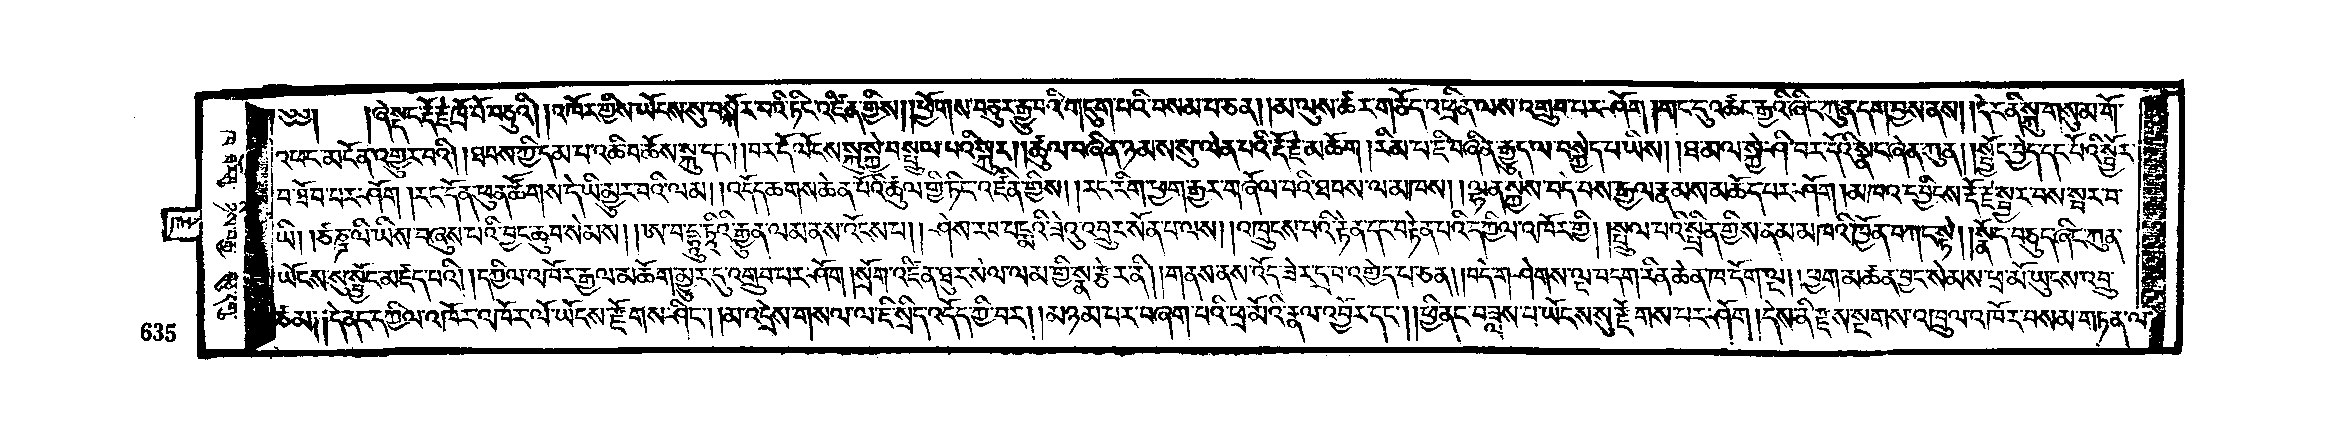༄༅། །ཞེ་སྡང་རྡོ་རྗེ་ཁྲོ་བོ་བཅུའི། །འཁོར་གྱིས་ཡོངས་སུ་བསྐོར་བའི་ཏིང་འཛིན་གྱིས། །ཕྱོགས་བཅུར་རྒྱུ་བའི་གདུག་པའི་བསམ་པ་ཅན། །མ་ལུས་ཚར་གཅོད་འཕྲིན་ལས་འགྲུབ་པར་ཤོག །གང་དུ་འཚང་རྒྱའི་ཞིང་ཀུན་དག་བྱས་ནས། །དེར་ནི་སྐུ་གསུམ་གོ་
འཕང་མངོན་འགྱུར་བའི། །ཐབས་ཀྱི་དམ་པ་འཆི་བ་ཆོས་སྐུ་དང་། །བར་དོ་ལོངས་སྐུ་སྐྱེ་བ་སྤྲུལ་པའི་སྐུར། །ཚུལ་བཞིན་ཉམས་སུ་ལེན་པའི་རྡོ་རྗེ་མཆོག །རིམ་པ་ཇི་བཞིན་རྒྱུད་ལ་བསྐྱེད་པ་ཡིས། །ཐ་མལ་སྐྱེ་ཤི་བར་དོའི་སྣང་ཞེན་ཀུན། །སྦྱོང་བྱེད་དང་པོའི་སྦྱོར་
བ་ཐོབ་པར་ཤོག །རང་དོན་ཕུན་ཚོགས་དེ་ཡི་མྱུར་བའི་ལམ། །འདོད་ཆགས་ཆེན་པོའི་ཚུལ་གྱི་ཏིང་འཛིན་གྱིས། །རང་རིག་ཕྱག་རྒྱར་གཞོལ་བའི་ཐབས་ལ་མཁས། །ལྷན་སྐྱེས་བདེ་བས་རྒྱལ་རྣམས་མཆོད་པར་ཤོག །མཁའ་དབྱིངས་རྡོ་རྗེ་སྦྱར་བས་སྦར་བ་
ཡི། །ཙཎྜ་ལི་ཡིས་བཞུས་པའི་བྱང་ཆུབ་སེམས། །ཨ་བ་དྷཱུ་ཏཱིའི་རྒྱུན་ལམ་ནས་འོངས་པ། །ཤེས་རབ་པདམའི་ཟེའུ་འབྲུར་སོན་པ་ལས། །འཁྲུངས་པའི་རྟེན་དང་བརྟེན་པའི་དཀྱིལ་འཁོར་གྱི། །སྤྲུལ་པའི་སྤྲིན་གྱིས་ནམ་མཁའི་ཁྱོན་བཀང་སྟེ། །སྣོད་བཅུད་ཞིང་ཀུན་
ཡོངས་སུ་སྦྱོང་མཛད་པའི། །དཀྱིལ་འཁོར་རྒྱལ་མཆོག་མྱུར་དུ་འགྲུབ་པར་ཤོག །སྲོག་འཛིན་ཐུར་སེལ་ལམ་གྱི་སྣ་རྩེར་ནི། །གནས་ནས་འོད་ཟེར་དྲ་བ་འགྱེད་པ་ཅན། །བདེ་གཤེགས་ལྔ་བདག་རིན་ཆེན་ཁ་དོག་ལྔ། །ཕྱག་མཚན་བྱང་སེམས་ཕྲ་མོ་ཡུངས་འབྲུ་
ཙམ། །དེ་ནང་དཀྱིལ་འཁོར་འཁོར་ལོ་ཡོངས་རྫོགས་ཤིང་། །མ་འདྲེས་གསལ་ལ་ཇི་སྲིད་འདོད་ཀྱི་བར། །མཉམ་པར་བཞག་པའི་ཕྲ་མོའི་རྣལ་འབྱོར་དང་། །ཕྱི་ནང་བཟླས་པ་ཡོངས་སུ་རྫོགས་པར་ཤོག །དེས་ནི་རྫས་སྔགས་འཁྲུལ་འཁོར་བསམ་གཏན་ལ་